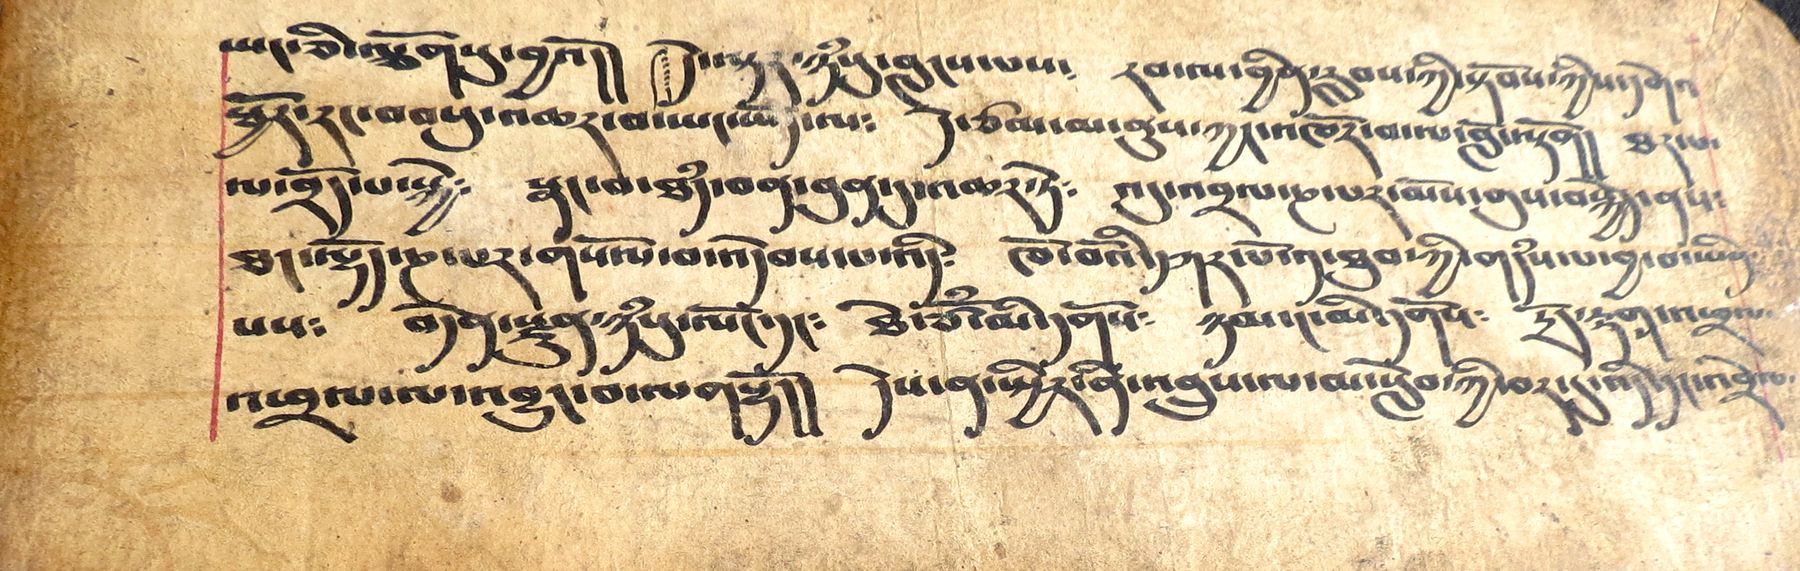ཡང་ཅི་ལྕོགས་སུ་བྱའོ། དེ་ལྟར་ཉམས་སུ་བླངས་པས། རབ་ལ་བྱིན་རླབས་ཀྱི་སྟོབས་ཀྱིས་དགེ་
སྦྱོར་རང་འབབ་སུ་འཆར་བ་ཡང་ཡོད་ལ། དེ་ཙམ་མ་ནུས་ཀྱང་འཁོར་བ་ལ་བློ་ལྡོག་ནས་ཐར་པ་
ལ་བྲོད་པ་བསྐྱེད། སྣང་བ་བན་བུན་དུ་འཆར་ཏེ། འདུ་འབྲལ་མེད་པར་མོས་གུས་བསྐྱེད་ན། 
ཐང་ལྷོད་མེད་པར་གསོལ་བ་འདེབས་པ་འདི། ཁོ་བོའི་དཀར་པོ་གཅིག་ཐུབ་ཀྱི་གདམས་པ་བྱ་བ་ཡིན་
པས། བདེན་ནམ་རྫུན་ནམ་ཉམས་སུ་ལོངས་དང་། ཐེ་ཚོམ་མི་དགོས། ཉམས་ང་མི་དགོས། དྲོད་ཚད་འཕྲལ་
འཕྲལ་ལ་འབྱུང་བ་ལགས་སོ། དེ་ནས་སྤྱིར་ནི་འབྲས་བུ་ལ་མ་སླེབས་ཀྱི་བར་དུ་འདི་དང་འབྲེལ་